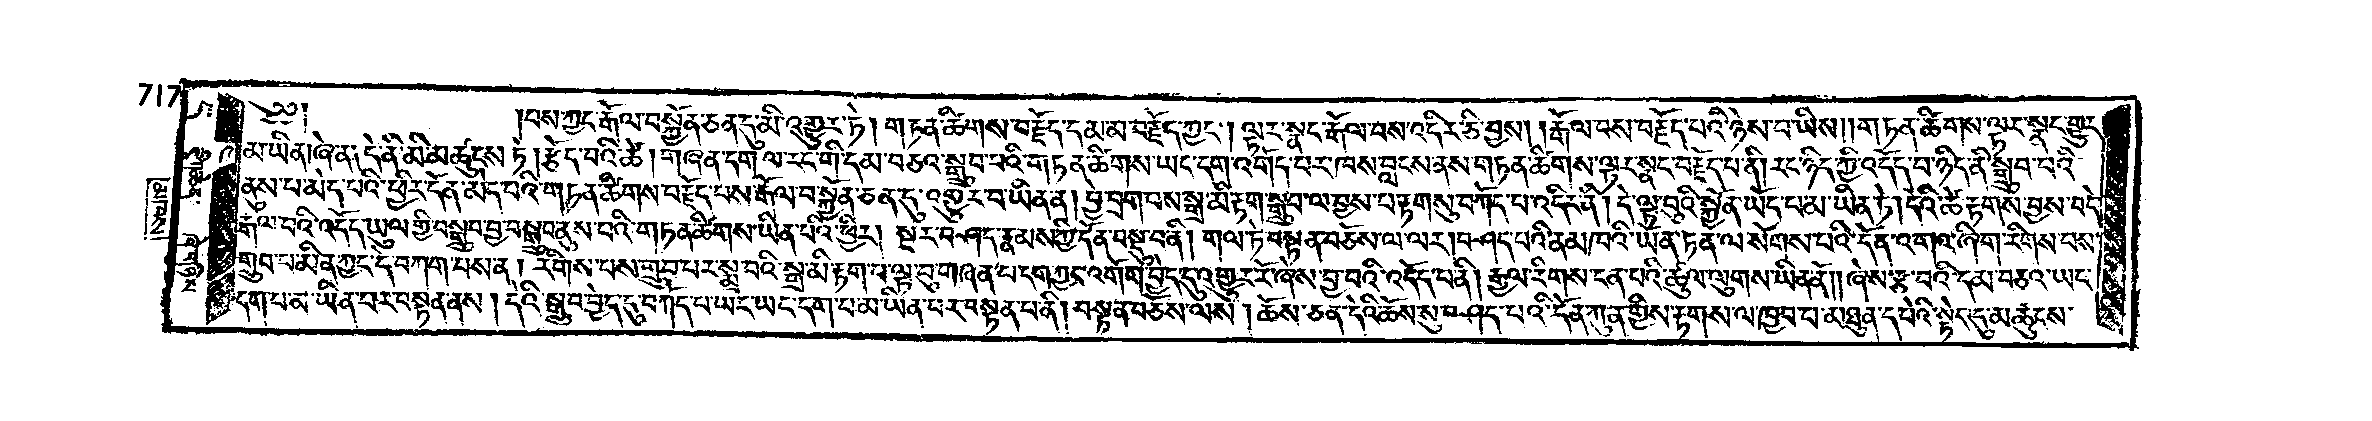༄༅། །པས་ཀྱང་རྒོལ་བ་སྐྱོན་ཅན་དུ་མི་འགྱུར་ཏེ། གཏན་ཚིགས་བརྗོད་དམ་མ་བརྗོད་ཀྱང་། ལྟར་སྣང་རྒོལ་བས་འདིར་ཅི་བྱས། །རྒོལ་བས་བརྗོད་པའི་ཉེས་པ་ཡིས། །གཏན་ཚིགས་ལྟར་སྣང་གྱུར་
མ་ཡིན། ཞེ་ན། དེ་ནི་མི་མཚུངས་ཏེ། རྩོད་པའི་ཚེ། གཞན་དག་ལ་རང་གི་དམ་བཅའ་སྒྲུབ་པའི་གཏན་ཚིགས་ཡང་དག་འགོད་པར་ཁས་བླངས་ནས་གཏན་ཚིགས་ལྟར་སྣང་བརྗོད་པ་ནི། རང་ཉིད་ཀྱི་འདོད་པ་ཉིད་ནི་སྒྲུབ་པའི་
ནུས་པ་མེད་པའི་ཕྱིར་དོན་མེད་པའི་གཏན་ཚིགས་བརྗོད་པས་རྒོལ་བ་སྐྱོན་ཅན་དུ་འགྱུར་བ་ཡིན་ན། བྱེ་བྲག་པས་སྒྲ་མི་རྟག་སྒྲུབ་ལ་བྱས་པ་རྟགས་སུ་བཀོད་པ་འདིར་ནི། དེ་ལྟ་བུའི་སྐྱོན་ཡོད་པ་མ་ཡིན་ཏེ། དེའི་ཚེ་རྟགས་བྱས་པ་དེ་
རྒོལ་བའི་འདོད་ཡུལ་གྱི་བསྒྲུབ་བྱ་བསྒྲུབ་ནུས་པའི་གཏན་ཚིགས་ཡིན་པའི་ཕྱིར། སྔར་བཤད་རྣམས་ཀྱི་དོན་བསྡུ་བ་ནི། གལ་ཏེ་བསྟན་བཅོས་ལ་ལར། བཤད་པའི་ནམ་མཁའི་ཡོན་ཏན་ལ་སོགས་པའི་དོན་འགའ་ཞིག་རིགས་པས་
གྲུབ་པ་མིན་ཀྱང་དེ་བཀག་པས་ན། རིགས་པས་གྲུབ་པར་སྨྲ་བའི་སྒྲ་མི་རྟག་པ་ལྟ་བུ་གཞན་པ་དག་ཀྱང་འགོག་བྱེད་དུ་འགྱུར་རོ་ཞེས་བྱ་བའི་འདོད་པ་ནི། རྒྱལ་རིགས་ངན་པའི་ཚུལ་ལུགས་ཡིན་ནོ། །ཞེས་རྩ་བའི་དམ་བཅའ་ཡང་
དག་པ་མ་ཡིན་པར་བསྟན་ནས། དེའི་སྒྲུབ་བྱེད་དུ་བཀོད་པ་ཡང་ཡང་དག་པ་མ་ཡིན་པར་བསྟན་པ་ནི། བསྟན་བཅོས་ལས། ཆོས་ཅན་དེའི་ཆོས་སུ་བཤད་པའི་དོན་ཀུན་གྱིས་རྟགས་ལ་ཁྱབ་པ་མཐུན་དཔེའི་སྟེང་དུ་མཚུངས་